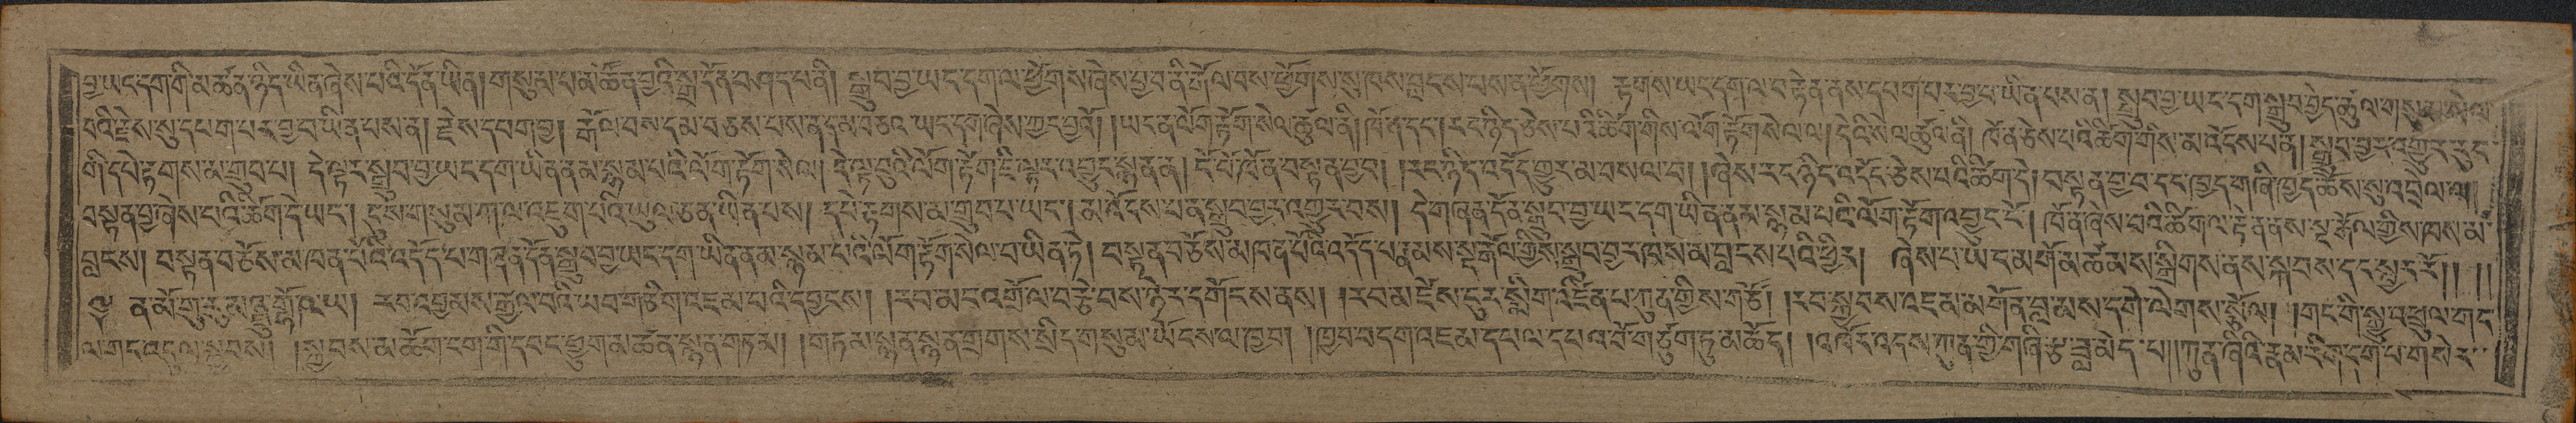བྱ་ཡང་དག་གི་མཚན་ཉིད་ཡིན་ཞེས་པའི་དོན་ཡིན། གསུམ་པ་མཚོན་བྱའི་སྒྲ་དོན་བཤད་པ་ནི། བསྒྲུབ་བྱ་ཡང་དག་ལ་ཕྱོགས་ཞེས་བྱ་བ་ནི་རྒོལ་བས་ཕྱོགས་སུ་ཁས་བླངས་པས་ན་ཕྱོགས། རྟགས་ཡང་དག་ལ་བརྟེན་ནས་དཔག་པར་བྱ་བ་ཡིན་པས་ན། བསྒྲུབ་བྱ་ཡང་དག་སྒྲུབ་བྱེད་ཚུལ་གསུམ་སེལ་
པའི་རྗེས་སུ་དཔག་པར་བྱ་བ་ཡིན་པས་ན། རྗེས་སུ་དཔག་བྱ། རྒོལ་བས་དམ་བཅས་པས་ན་དམ་བཅའ་ཡང་དག་ཅེས་ཀྱང་བྱའོ། །ཡང་ན་ལོག་རྟོག་སེལ་ཚུལ་ནི། ཁོ་ན་དང་། རང་ཉིད་ཅེས་པའི་ཚིག་གིས་ལོག་རྟོག་སེལ་ལ། དེའི་སེལ་ཚུལ་ནི། ཁོ་ན་ཞེས་པའི་ཚིག་གིས་མ་འོངས་པ་ན། བསྒྲུབ་བྱར་འགྱུར་རུང་
གི་དཔེ་རྟགས་མ་གྲུབ་པ། དེ་ལྟར་བསྒྲུབ་བྱ་ཡང་དག་ཡིན་ནམ་སྙམ་པའི་ལོག་རྟོག་སེལ། དེ་ལྟ་བུའི་ལོག་རྟོག་ཇི་ལྟར་འབྱུང་སྙན་ན། ངོ་བོ་ཁོ་ན་བསྟན་བྱ་བ། །རང་ཉིད་འདོད་གྱུར་མ་བསལ་བ། །ཞེས་རང་ཉིད་འདོད་ཅེས་པའི་ཚིག་དེ། བསྟན་བྱ་བ་དང་ཁྱད་གཞི་ཁྱད་ཆོས་སུ་འབྲེལ་ལ།
བསྟན་བྱ་ཞེས་པའི་ཚིག་དེ་ཡང་། དུས་གསུམ་ཀ་ལ་འཇུག་པའི་ཡུལ་ཅན་ཡིན་པས། དཔེ་རྟགས་མ་གྲུབ་པ་ཡང་། མ་འོངས་པ་ན་བསྒྲུབ་བྱར་འགྱུར་བས། དེ་གཞན་དོན་བསྒྲུབ་བྱ་ཡང་དག་ཡིན་ནམ་སྙམ་པའི་ལོག་རྟོག་འབྱུང་ངོ། ཁོ་ན་ཞེས་པའི་ཚིག་ལ་བརྟེན་ནས་སྔ་རྒོལ་གྱིས་ཁས་མ་
བླངས། བསྟན་བཅོས་མཁན་པོའི་འདོད་པ་གཞན་དོན་བསྒྲུབ་བྱ་ཡང་དག་ཡིན་ནམ་སྙམ་པའི་ལོག་རྟོག་སེལ་བ་ཡིན་ཏེ། བསྟན་བཅོས་མཁན་པོའི་འདོད་པ་རྣམས་སྔ་རྒོལ་གྱིས་བསྒྲུབ་བྱར་ཁས་མ་བླངས་པའི་ཕྱིར། ཞེས་པ་ཡང་འགོ་མཚམས་སྒྲིག་ནས་སྐབས་དང་སྦྱར་རོ།། །།
༈ ན་མོ་གུ་རུ་མཉྫུ་གྷོ་ཥ་ཡ། རབ་འབྱམས་རྒྱལ་བའི་ཡབ་གཅིག་འཇམ་པའི་དབྱངས། །རབ་མང་འགྲོ་ལ་བརྩེ་བས་ཉེར་དགོངས་ནས། །རབ་མཛེས་ངུར་སྨྲིག་འཛིན་པ་ཀུན་གྱི་གཙོ། །རབ་སྐྱབས་འཇམ་མགོན་བླ་མས་དགེ་ལེགས་སྩོལ། །གང་གི་སྒྱུ་འཕྲུལ་གང་
ལ་གང་འདུལ་སྐྱབས། །སྐྱབས་མཆོག་ངག་གི་དབང་ཕྱུག་མཚན་སྙན་གཏམ། །གཏམ་སྙན་སྙན་གྲགས་སྲིད་གསུམ་ཡོངས་ལ་ཁྱབ། །ཁྱབ་བདག་འཇམ་དཔལ་དཔའ་བོ་གཙུག་ཏུ་མཆོད། །འཁོར་འདས་ཀུན་གྱི་གཞི་རྩ་ཟླ་མེད་པ། །ཀུན་གཞིའི་རྣམ་རིག་དག་པ་གསེར་